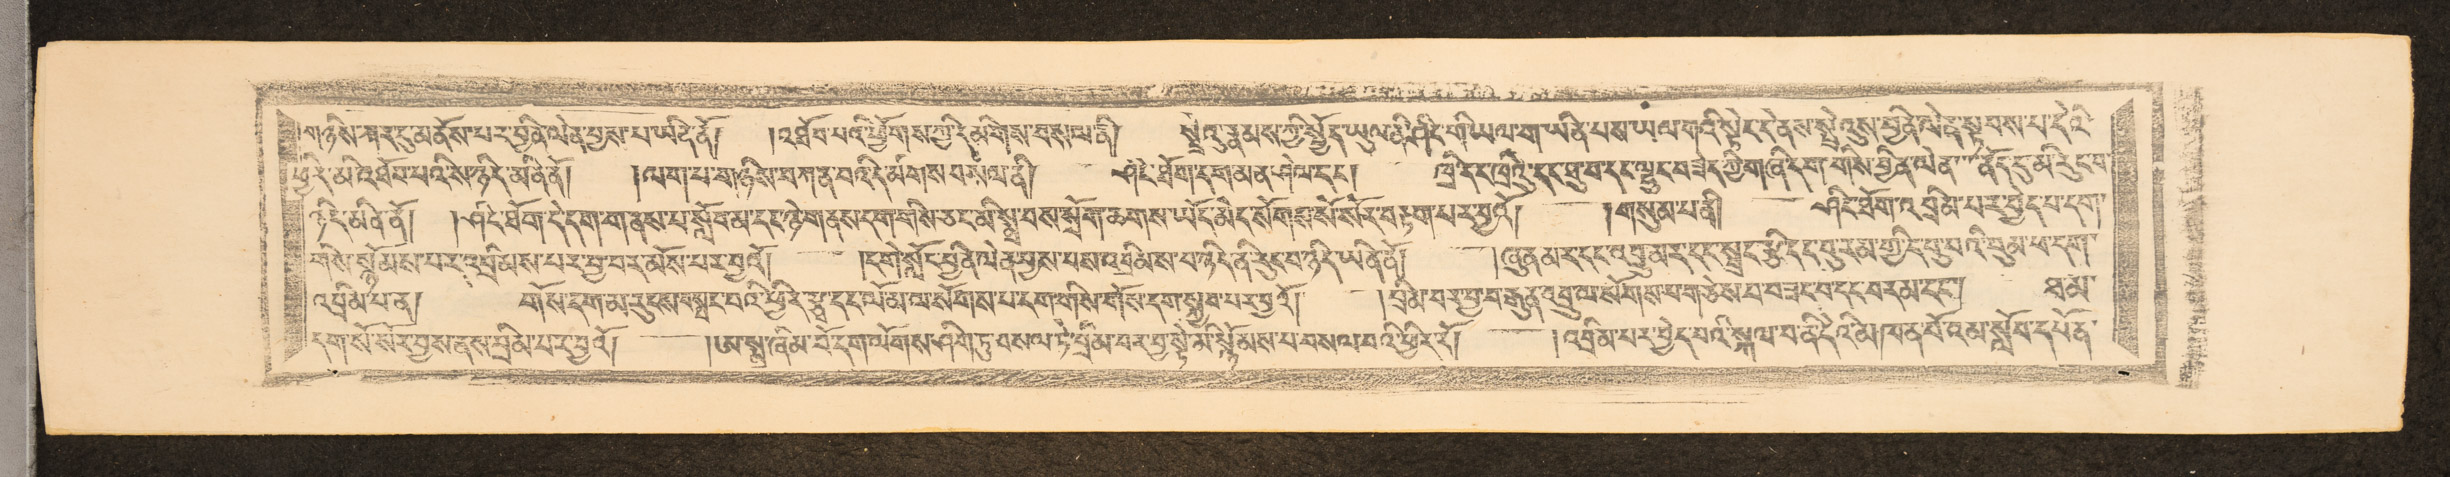གཉིས་ཀར་དུ་མནོས་བར་བྱིན་ལེན་བྱས་པ་ཡིན་ནོ། །འཐོབ་པའི་ཕྱོགས་ཀྱི་དམིགས་བསལ་ནི། སྦྲེའུ་རྣམས་ཀྱི་སྦྱོད་ཡུལ་ནི་ཤིང་གི་ཡལ་ག་ཡིན་པས་ཡལ་གའི་སྟེང་དེ་ནས་སྤྲེའུས་བྱིན་ལེན་སྟབས་པ་དེའི་
ཕྱིར་མི་འཐོབ་པའི་ས་ཉིད་མིན་ནོ། །ལག་པ་གཉིས་བཀན་པའི་དམིགས་བསལ་ནི། ཤིང་ཐོག་དག་མན་ཤེལ་དང་། ཁྲི་དང་ཁྲིའུ་དད་ཐུ་བ་དང་ལྷུང་བཟེད་ཀྱི་གཞི་དག་གིས་བྱིན་ལེན་ནོད་དུ་མི་རུད་པ་
ཉིད་མིན་ནོ། །ཤིང་ཐོག་དེ་དག་གནས་པ་སློབ་མ་དང་ཉེ་གནས་དག་གིས་ཅང་མི་སྨྲ་བས་སྲོག་ཆགས་ཡོད་མེད་སོགས་སོ་སོར་བརྟག་པར་བྱའོ། །གསུམ་པ་ནི། ཤིང་ཐོག་འབྲིམ་པར་བྱེད་བ་དག་
གིས་སྙོམས་པར་འབྲིམས་པར་བྱ་བར་མོས་པར་བྱའོ། །དགེ་སློང་བྱིན་ལེན་བྱས་པས་འབྲིམས་པ་ཉིད་ནི་རུང་བ་ཉིད་ཡིན་ནོ། །ཞུན་མར་དང་འབྲུ་མར་དང་སྦྲང་རྩི་དང་བུ་རམ་གྱི་དབུ་བའི་བུམ་པ་དག་
འབྲིམ་པ་ན། གོས་དག་མ་རུངས་བ་སྡང་བའི་ཕྱིར་རྩྭ་དང་ལོ་མ་ལ་སོགས་བདག་གི་སོགས་དག་སྐྱབ་པར་བྱའོ། །བྲིམ་པར་བྱ་བ་རྒུན་འབྲུ་ལ་སོགས་བ་གཅེས་བ་བཟད་བ་བར་མ་དང་། ཐ་མ་
དག་སོ་སོར་བྱས་ནས་བྲིམ་བར་བྱའོ། །ཨ་སྨྲ་ཞིམ་པོ་དག་ལོགས་ཤིག་ཏུ་བསལ་ཏེ་བྲིམ་པར་བྱ་སྟེ་མི་སྙོམས་པ་བསལ་བའི་ཕྱིར་རོ། །འབྲིམ་པར་བྱེད་བའི་སྐལ་བ་ནི་དེའི་མཁན་པོ་འམ་སློབ་དཔོན་